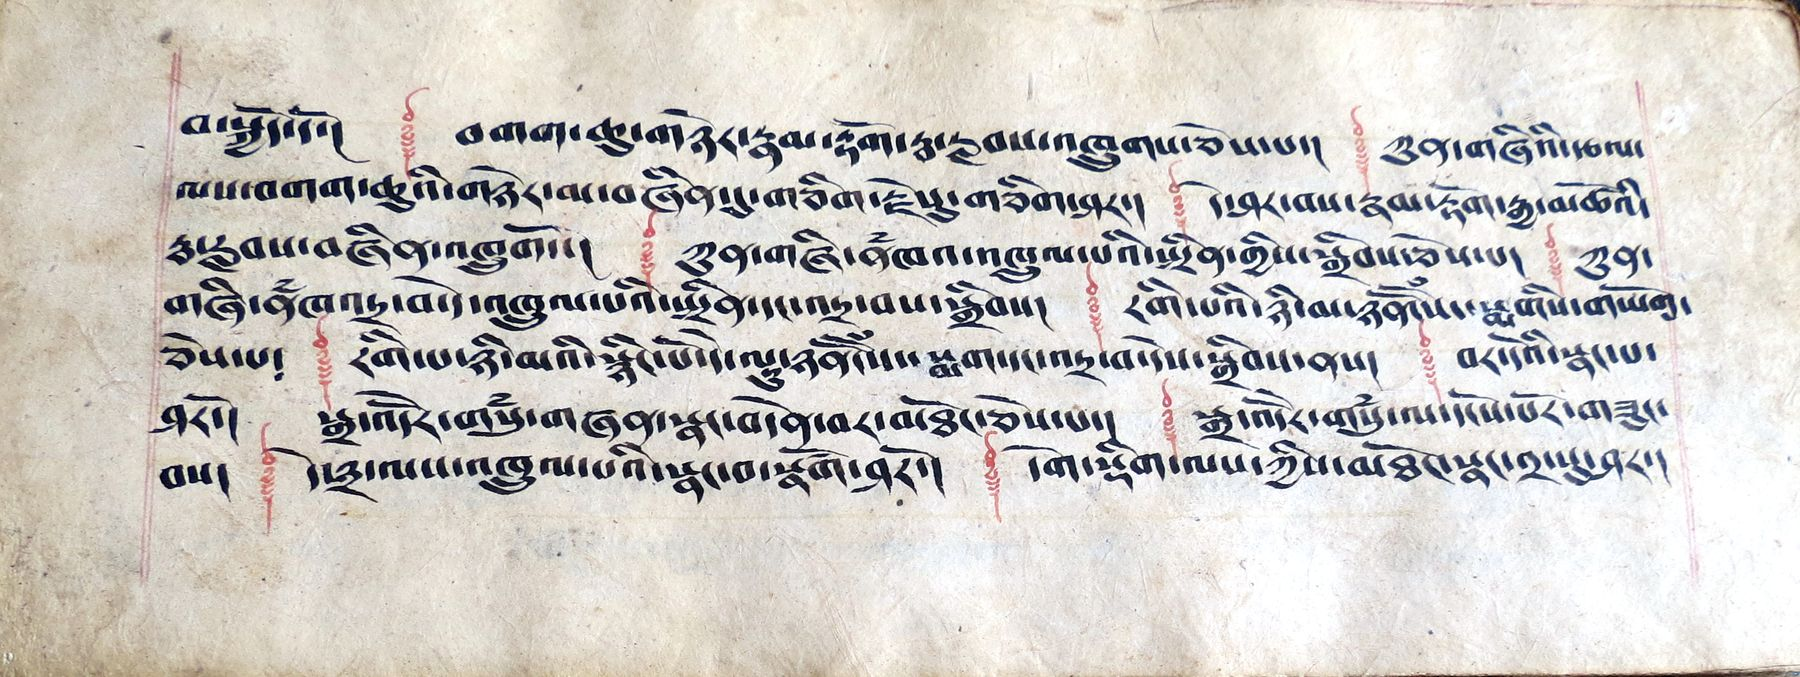བ་བསྐྱོད་དོ། །བག་ཆགས་ཆུ་གཉེར་རྣམ་རྟོག་རྦ་རླབས་འཁྲུགས། །ཞེས་པས། ཀུན་གཞིའི་རྩལ་
ལས་བག་ཆགས་ཆུའི་གཉེར་མ་བཞིན་དུ་གཅིག་རྗེས་སུ་གཅིག་ཤར། དེ་ཤར་བས་རྣམ་རྟོག་རྒྱ་མཚོའི་
རྦ་རླབས་བཞིན་དུ་འཁྲུགས་སོ། །ཀུན་གཞི་ནམ་མཁའ་འཁྲུལ་པའི་སྤྲིན་གྱིས་སྒྲིབ། །ཞེས་པས། ཀུན་
གཞི་ནམ་མཁའ་འདྲ་བ་དེ་འཁྲུལ་པ་སྤྲིན་དང་འདྲ་བས་སྒྲིབ། རིག་པའི་ཉི་མ་ཉོན་མོངས་སྨག་གིས་གཡོགས། །
ཞེས་པས། རིག་པ་ཉི་མའི་སྙིང་པོ་དེ་ལྟ་བུ། ཉོན་མོངས་སྨག་དང་འདྲ་བ་དེས་སྒྲིབ་སྟེ། བར་དོའི་སྣང་བ་
ཤར་རོ། །སྒྲ་འོད་ཟེར་གསུམ་གཞན་སྣང་བདེན་པར་མཐོང་། །ཞེས་པས། སྒྲ་འོད་ཟེར་གསུམ་ལ་དངོས་པོར་བཟུང་
པས། དེ་གསུམ་ལས་འཁྲུལ་པའི་སྣང་བ་སྣ་ཚོགས་ཤར་རོ། །དགེ་སྡིག་ལས་ཀྱི་མཐོང་སྣང་གཉིས་སུ་ཤར། །